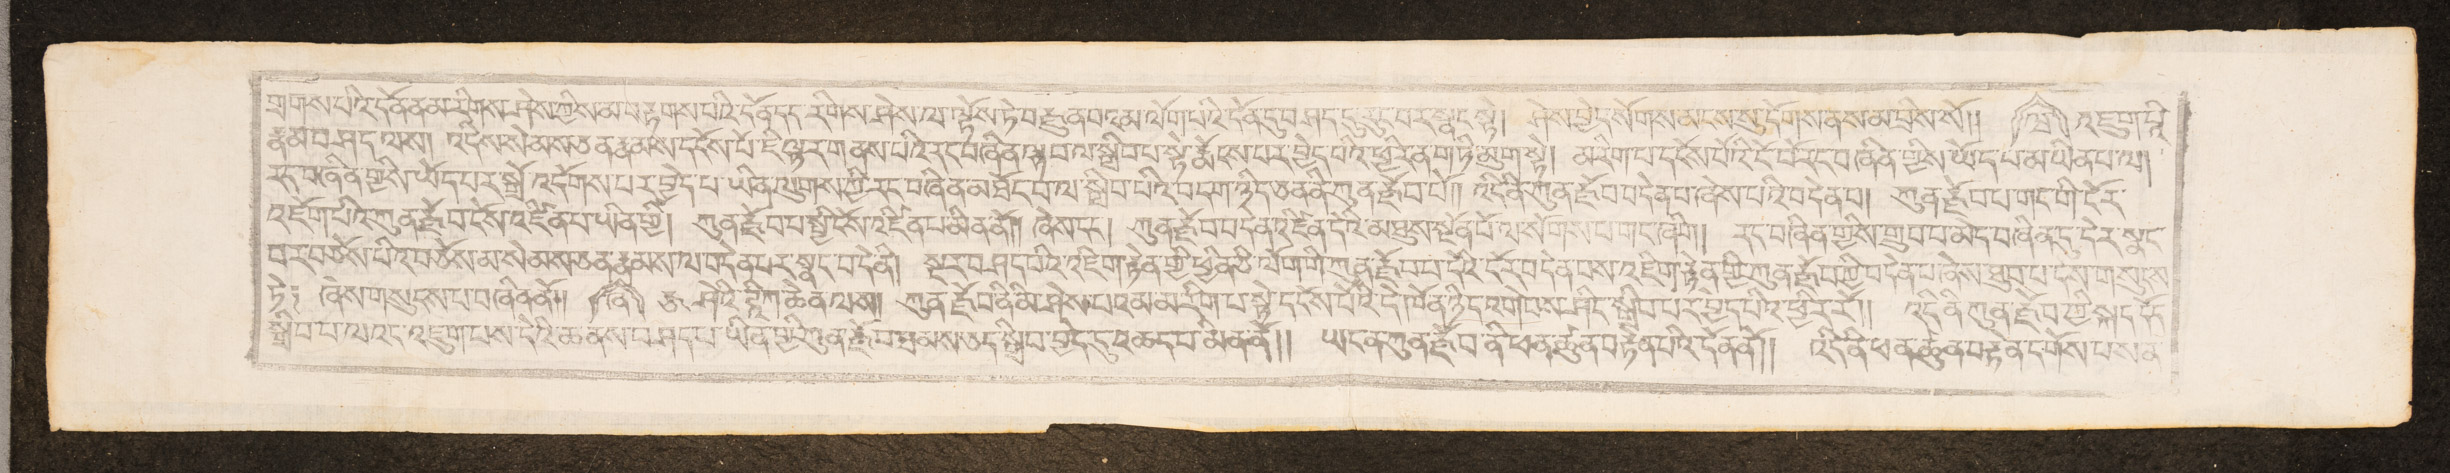གྲངས་པའི་དོན་མ་རིགས་ཤེས་ཀྱིས་མ་བརྟགས་པའི་དོན་དང་རིགས་ཤེས་ལ་ལྟོས་ཏེ་བརྫུན་པའམ་ལོག་པའི་དོན་དུ་བཤད་དུ་རུང་བར་སྣང་སྟེ། ཤེས་བྱེད་སོགས་མངས་སུ་དགོས་ནས་མ་བྲིས་སོ།། ༼༽ཐ༼༽ འཇུག་པ་
རྣམ་བཤད་ལས། འདིས་སེམས་ཅན་རྣམས་དངོས་པོ་ཇི་ལྟར་གནས་པའི་རང་བཞིན་ལྟ་བ་ལ་སྒྲིབ་པ་སྟེ་རྨོངས་པར་བྱེད་པའི་ཕྱིར་ན་གཏི་མུག་སྟེ། མ་རིག་པ་དངོས་པོའི་ངོ་བོ་རང་བཞིན་གྱིས་ཡོད་པ་མ་ཡིན་པ་ལ།
རང་བཞིན་གྱིས་ཡོད་པར་སྒྲོ་འདོགས་པར་བྱེད་པ་ཡིན་ལུགས་ཀྱི་རང་བཞིན་མཐོང་བ་ལ་སྒྲིབ་པའི་བདག་ཉིད་ཅན་ནི་ཀུན་རྫོབ་པོ།། འདི་ནི་ཀུན་རྫོབ་བདེན་པ་ཞེས་པའི་བདེན་པ། ཀུན་རྫོབ་པ་གང་གི་ངོར་
འཇོག་པའི་ཀུན་རྫོབ་ངོས་འཛིན་པ་ཡིན་གྱི། ཀུན་རྫོབ་པ་སྤྱི་ངོས་འཛིན་པ་མིན་ནོ། །ཞེས་དང་། ཀུན་རྫོབ་བདེན་འཛིན་དེའི་མཐུས་སྔོན་པོ་ལ་སོགས་པ་གང་ཞིག། རང་བཞིན་གྱིས་གྲུབ་པ་མེད་བཞིན་དུ་དེར་སྣང་
བར་བཅོས་པའི་བཅོས་མ་སེམས་ཅན་རྣམས་ལ་བདེན་པར་སྣང་བ་དེ་ནི། སྔར་བཤད་པའི་འཇིག་རྟེན་གྱི་ཕྱིན་ཅི་ལོག་གི་ཀུན་རྫོབ་པ་དེའི་ངོར་བདེན་པས་འཇིག་རྟེན་གྱི་ཀུན་རྫོབ་ཀྱི་བདེན་པ་ཞེས་ཐུབ་པ་ངེས་པ་དེས་གསུངས་
ཏེ༑ ཞེས་གསུངས་པ་བཞིན་ནོ།། ༼༽ཞ༼༽ རྩ་ཤེའི་ཊཱིཀ་ཆེན་ལས། ཀུན་རྫོབ་ནི་མི་ཤེས་པའམ་མ་རིག་པ་སྟེ་དངོས་པོའི་དེ་ཁོ་ན་ཉིད་འགེབས་ཤིང་སྒྲིབ་པར་བྱེད་པའི་ཕྱིར་རོ།། འདི་ནི་ཀུན་རྫོབ་ཀྱི་སྐད་དོད་
སྒྲིབ་པ་ལའང་འཇུག་པས་དེའི་ཆ་ནས་བཤད་པ་ཡིན་གྱི་ཀུན་རྫོབ་ཐམས་ཅད་སྒྲིབ་བྱེད་དུ་འཆད་པ་མིན་ནོ།། ཡང་ན་ཀུན་རྫོབ་ནི་ཕན་ཚུན་བརྟེན་པའི་དོན་ནོ། །འདི་ནི་ཕན་ཚུན་བརྟེན་དགོས་པས་ན་